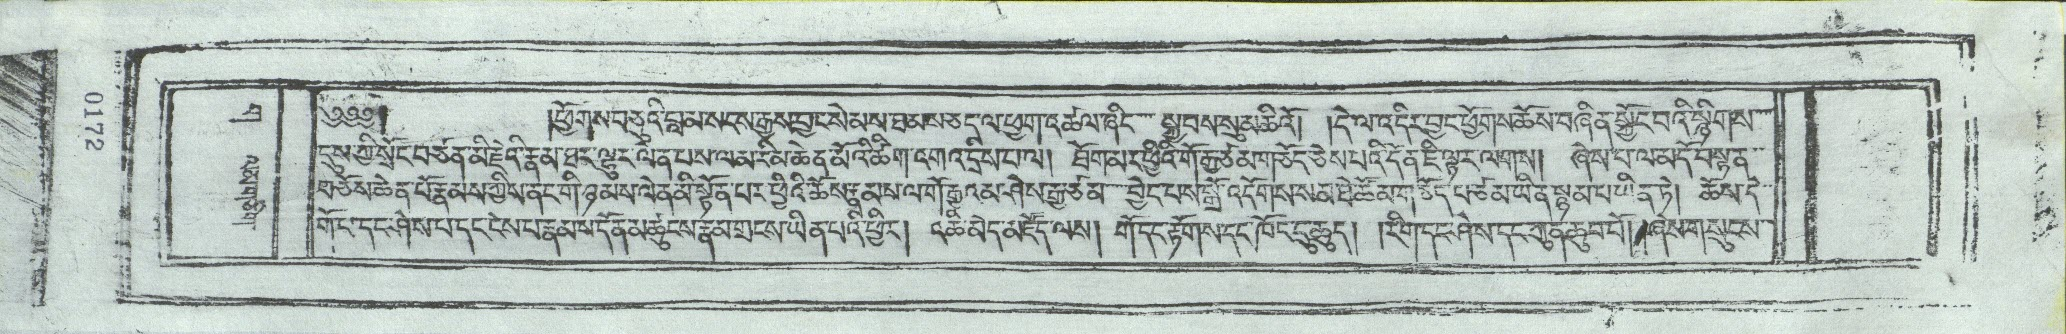༄༅༅། །ཕྱོགས་བཅུའི་བླ་མ་སངས་རྒྱས་བྱང་སེམས་ཐམས་ཅད་ལ་ཕྱག་འཚལ་ཞིང་སྐྱབས་སུ་མཆིའོ། །དེ་ལ་འདིར་བྱང་ཕྱོགས་ཆོས་བཞིན་སྐྱོང་བའི་སྙིགས་
དུས་ཀྱི་སྲོང་བཙན་མི་རྗེའི་རྣམ་ཐར་ལྷུར་ལན་པས་ལམ་རིམ་ཆེན་མོའི་ཚིག་འགའ་དྲིས་པ་ལ། ཐོག་མར་ཕྱིའི་གོ་རྒྱ་ཙམ་གཅོད་ཅེས་པའི་དོན་ཇི་ལྟར་ལགས། ཞེས་པ་ལ་མདོ་བསྟན་
བཅོས་ཆེན་པོ་རྣམས་ཀྱིས་ནང་གི་ཉམས་ལེན་མི་སྟོན་པར་ཕྱིའི་ཆོས་རྣམས་ལ་གོ་རྒྱའམ་ཤེས་རྒྱ་ཙམ་བྱེད་པས་སྒྲོ་འདོགས་སམ་ཐེ་ཚོམ་གཅོད་པ་ཙམ་ཡིན་སྙམ་པ་ཡིན་ཏེ། ཆོས་དེ་
གོ་པ་དང་ཤེས་པ་དང་ངེས་པ་རྣམས་དོན་མཚུངས་རྣམ་གྲངས་ཡིན་པའི་ཕྱིར། འཆི་མེད་མཛོད་ལས། གོ་དང་རྟོགས་དང་ཁོང་དུ་ཆུད། །རིག་དང་ཤེས་དང་ཀུན་ཆུབ་བོ། །ཞེས་གསུངས་